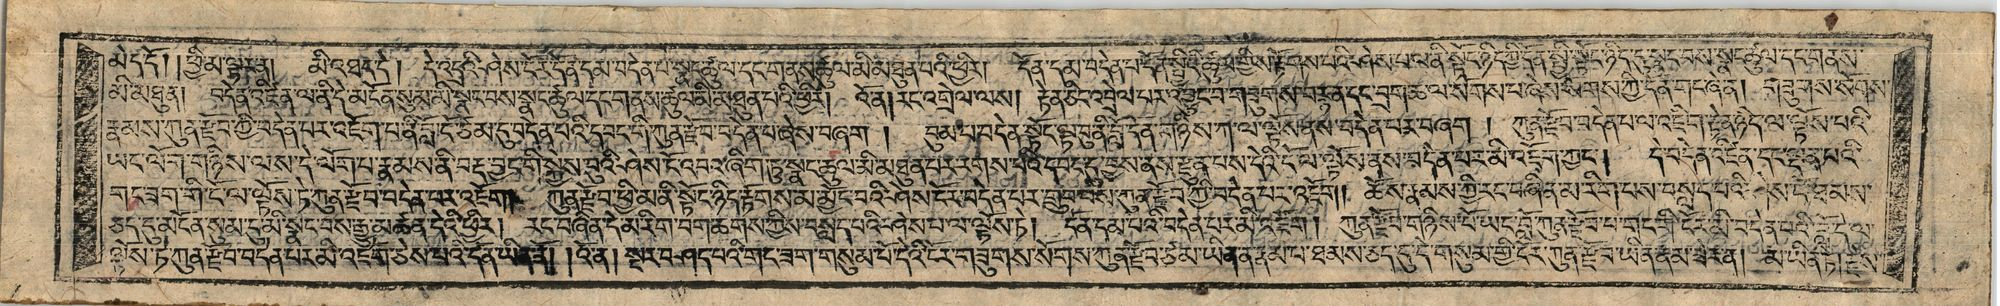མེད་དོ། །ཕྱི་མ་ལྟར་ན། མི་འཐད་དེ། དེ་འདྲའི་ཤེས་ངོར་དོན་དམ་བདེན་པ་སྣང་ཚུལ་དང་གནས་ཚུལ་མི་མཐུན་པའི་ཕྱིར། དོན་དམ་བདེན་པ་དོན་སྤྱིའི་ཚུལ་གྱིས་རྟོགས་པའི་ཤེས་པ་ལ་ནི་སྟོང་ཉིད་ཀྱི་དོན་སྤྱི་སྟོང་ཉིད་དུ་སྣང་བས་སྣང་ཚུལ་དང་གནས་ཚུལ་
མི་མཐུན། བདེན་འཛིན་ལ་ནི་དེ་མངོན་སུམ་མི་སྣང་བས་སྣང་ཚུལ་དང་གནས་ཚུལ་མི་མཐུན་པའི་ཕྱིར། འོ་ན། རང་འགྲེལ་ལས། རྟེན་ཅིང་འབྲེལ་བར་འབྱུང་བ་གཟུགས་བརྙན་དང་བྲག་ཆ་ལ་སོགས་པ་ཞེས་སོགས་ཀྱི་དོན་གང་ཞེ་ན། གཟུགས་སོགས་
རྣམས་ཀུན་རྫོབ་ཀྱི་བདེན་པར་འཇོག་པ་ནི་བློ་ངོ་ཙམ་དུ་བདེན་པའི་དབང་གི་ཀུན་རྫོབ་བདེན་པ་ཞེས་བཞག །བུམ་པ་བདེན་སྟོང་ལྟ་བུ་ནི་བློ་དོན་གཉིས་ཀ་ལ་ལྟོས་ནས་བདེན་པར་བཞག །ཀུན་རྫོབ་བདེན་པ་ལ་འཇིག་རྟེན་ཉིད་ལ་ལྟོས་པའི་
ཡང་ལོག་གཉིས་ལས་དེ་ལོག་པ་རྣམས་ནི་བརྡ་བྱང་གི་སྐྱེས་བུའི་ཤེས་ངོ་འབའ་ཞིག་ཏུ་སྣང་ཚུལ་མི་མཐུན་པར་རགས་པའི་དབང་དུ་བྱས་ནས་རྫུན་པས་དེའི་ངོ་ལ་ལྟོས་ནས་བདེན་པར་མི་འཇོག་ཀྱང་། དེ་བདེན་འཛིན་དང་ལྡན་པའི་
གང་ཟག་གི་ངོ་ལ་ལྟོས་ཏེ་ཀུན་རྫོབ་བདེན་པར་འཇོག །ཀུན་རྫོབ་ཕྱི་མ་ནི་སྟོང་ཉིད་རྟོགས་མ་མྱོང་བའི་ཤེས་ངོར་བདེན་པར་གྲུབ་པས་ཀུན་རྫོབ་ཀྱི་བདེན་པར་འཇོག །ཆོས་རྣམས་ཀྱི་རང་བཞིན་མ་རིག་པས་བསླད་པའི་ཤེས་ངོ་ཐམས་
ཅད་དུ་མངོན་སུམ་དུ་མི་སྣང་བས་རྒྱུ་མཚན་དེའི་ཕྱིར། རང་བཞིན་དེ་མ་རིག་བག་ཆགས་ཀྱིས་བསླད་པའི་ཤེས་པ་ལ་ལྟོས་ཏེ། དོན་དམ་པའི་བདེན་པར་མི་འཇོག །ཀུན་རྫོབ་གཉིས་པོ་ཡང་བློ་ཀུན་རྫོབ་པ་གང་གི་ངོར་མི་བདེན་པའི་བློ་དེ་ལ་
ལྟོས་ཏེ་ཀུན་རྫོབ་བདེན་པར་མི་འཇོག་ཅེས་པའི་དོན་ཡིན་ནོ། །འོ་ན། སྔར་བཤད་པའི་གང་ཟག་གསུམ་པོ་དེའི་ངོར་གཟུགས་སོགས་ཀུན་རྫོབ་ཙམ་ཡིན་ན་རྣམ་པ་ཐམས་ཅད་དུ་དེ་གསུམ་གྱི་ངོར་ཀུན་རྫོབ་ཡིན་ནམ་ཟེར་ན། མ་ཡིན་ཏེ། རྗེས་